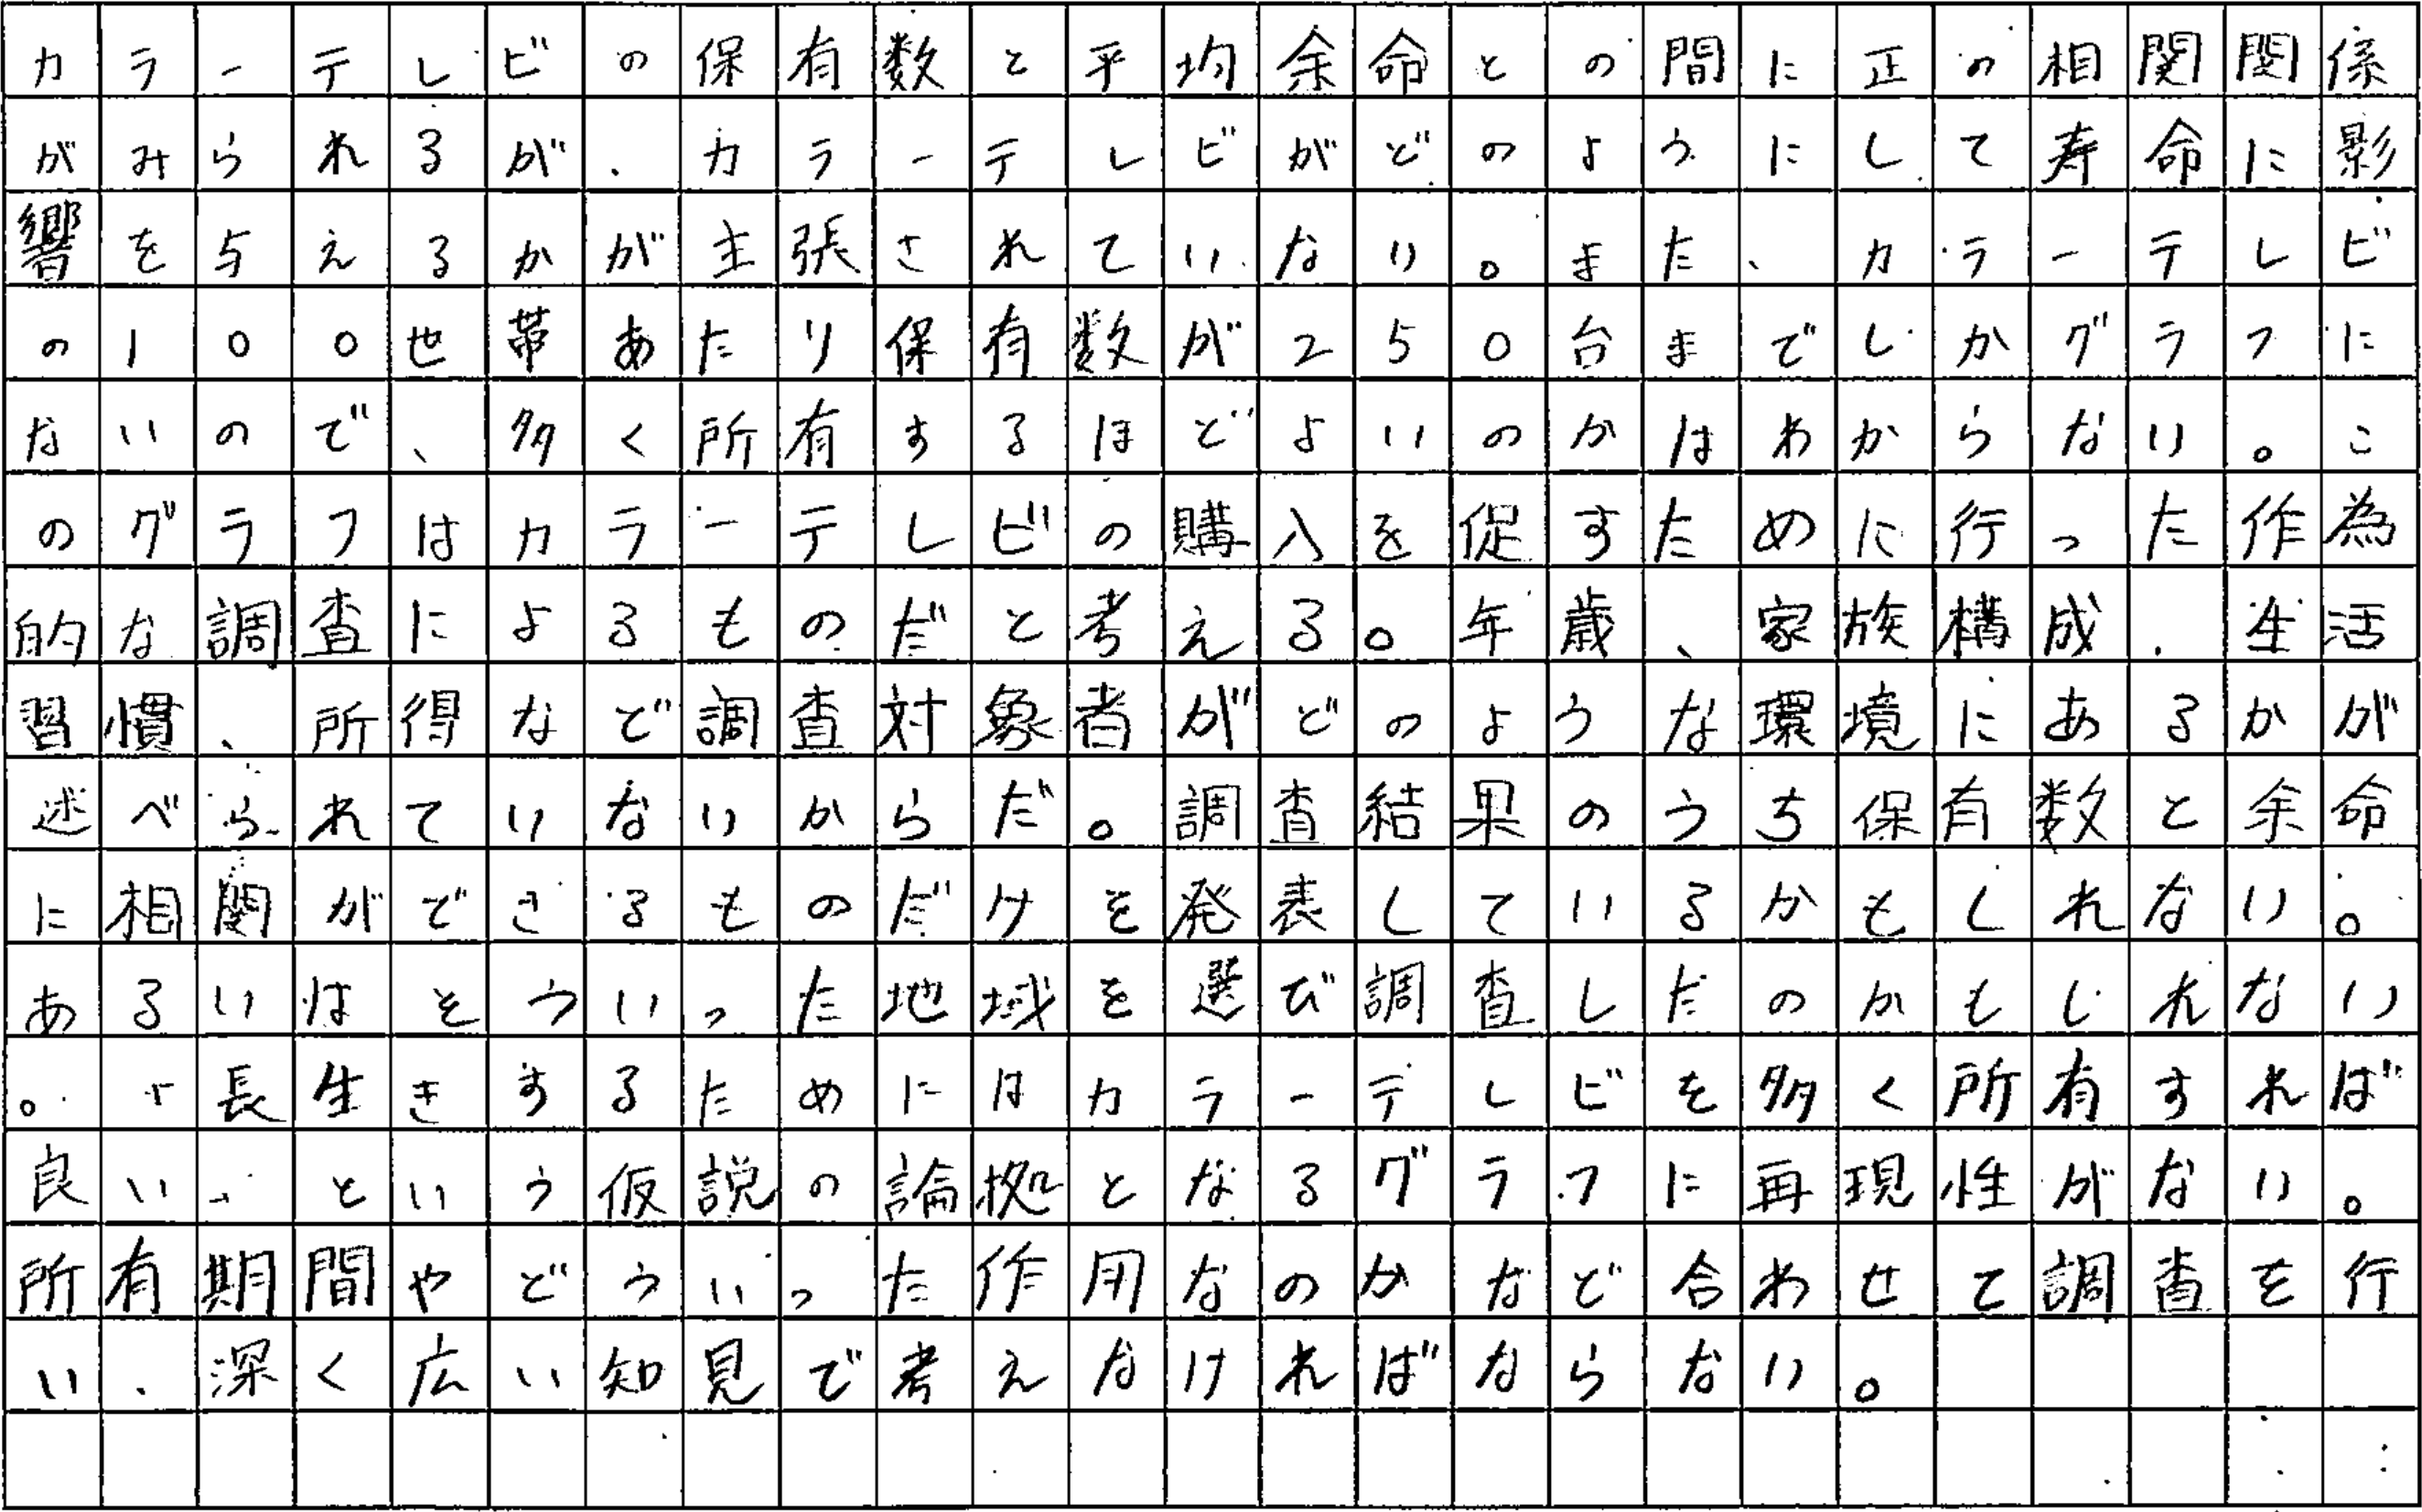カラーテレビの保有数と平均余命との間に正の相関関係がみられるが、カラーテレビがどのようにして寿命に影響を与えるかが主張されていない。また、カラーテレビの１００世帯あたり保有数が２５０台までしかグラフにないので、多く所有するほどよいのかはわからない。このグラフはカラーテレビの購入を促すために行った作為的な調査によるものだと考える。年歳、家族構成、生活習慣、所得など調査対象者がどのような環境にあるかが述べられていないからだ。調査結果のうち保有数と余命に相関ができるものだけを発表しているかもしれない。あるいはそういった地域を選び調査したのかもしれない。「長生きするためにはカラーテレビを多く所有すれば良い」という仮説の論拠となるグラフに再現性がない。所有期間やどういった作用なのかなど合わせて調査を行い、深く広い知見で考えなければならない。
